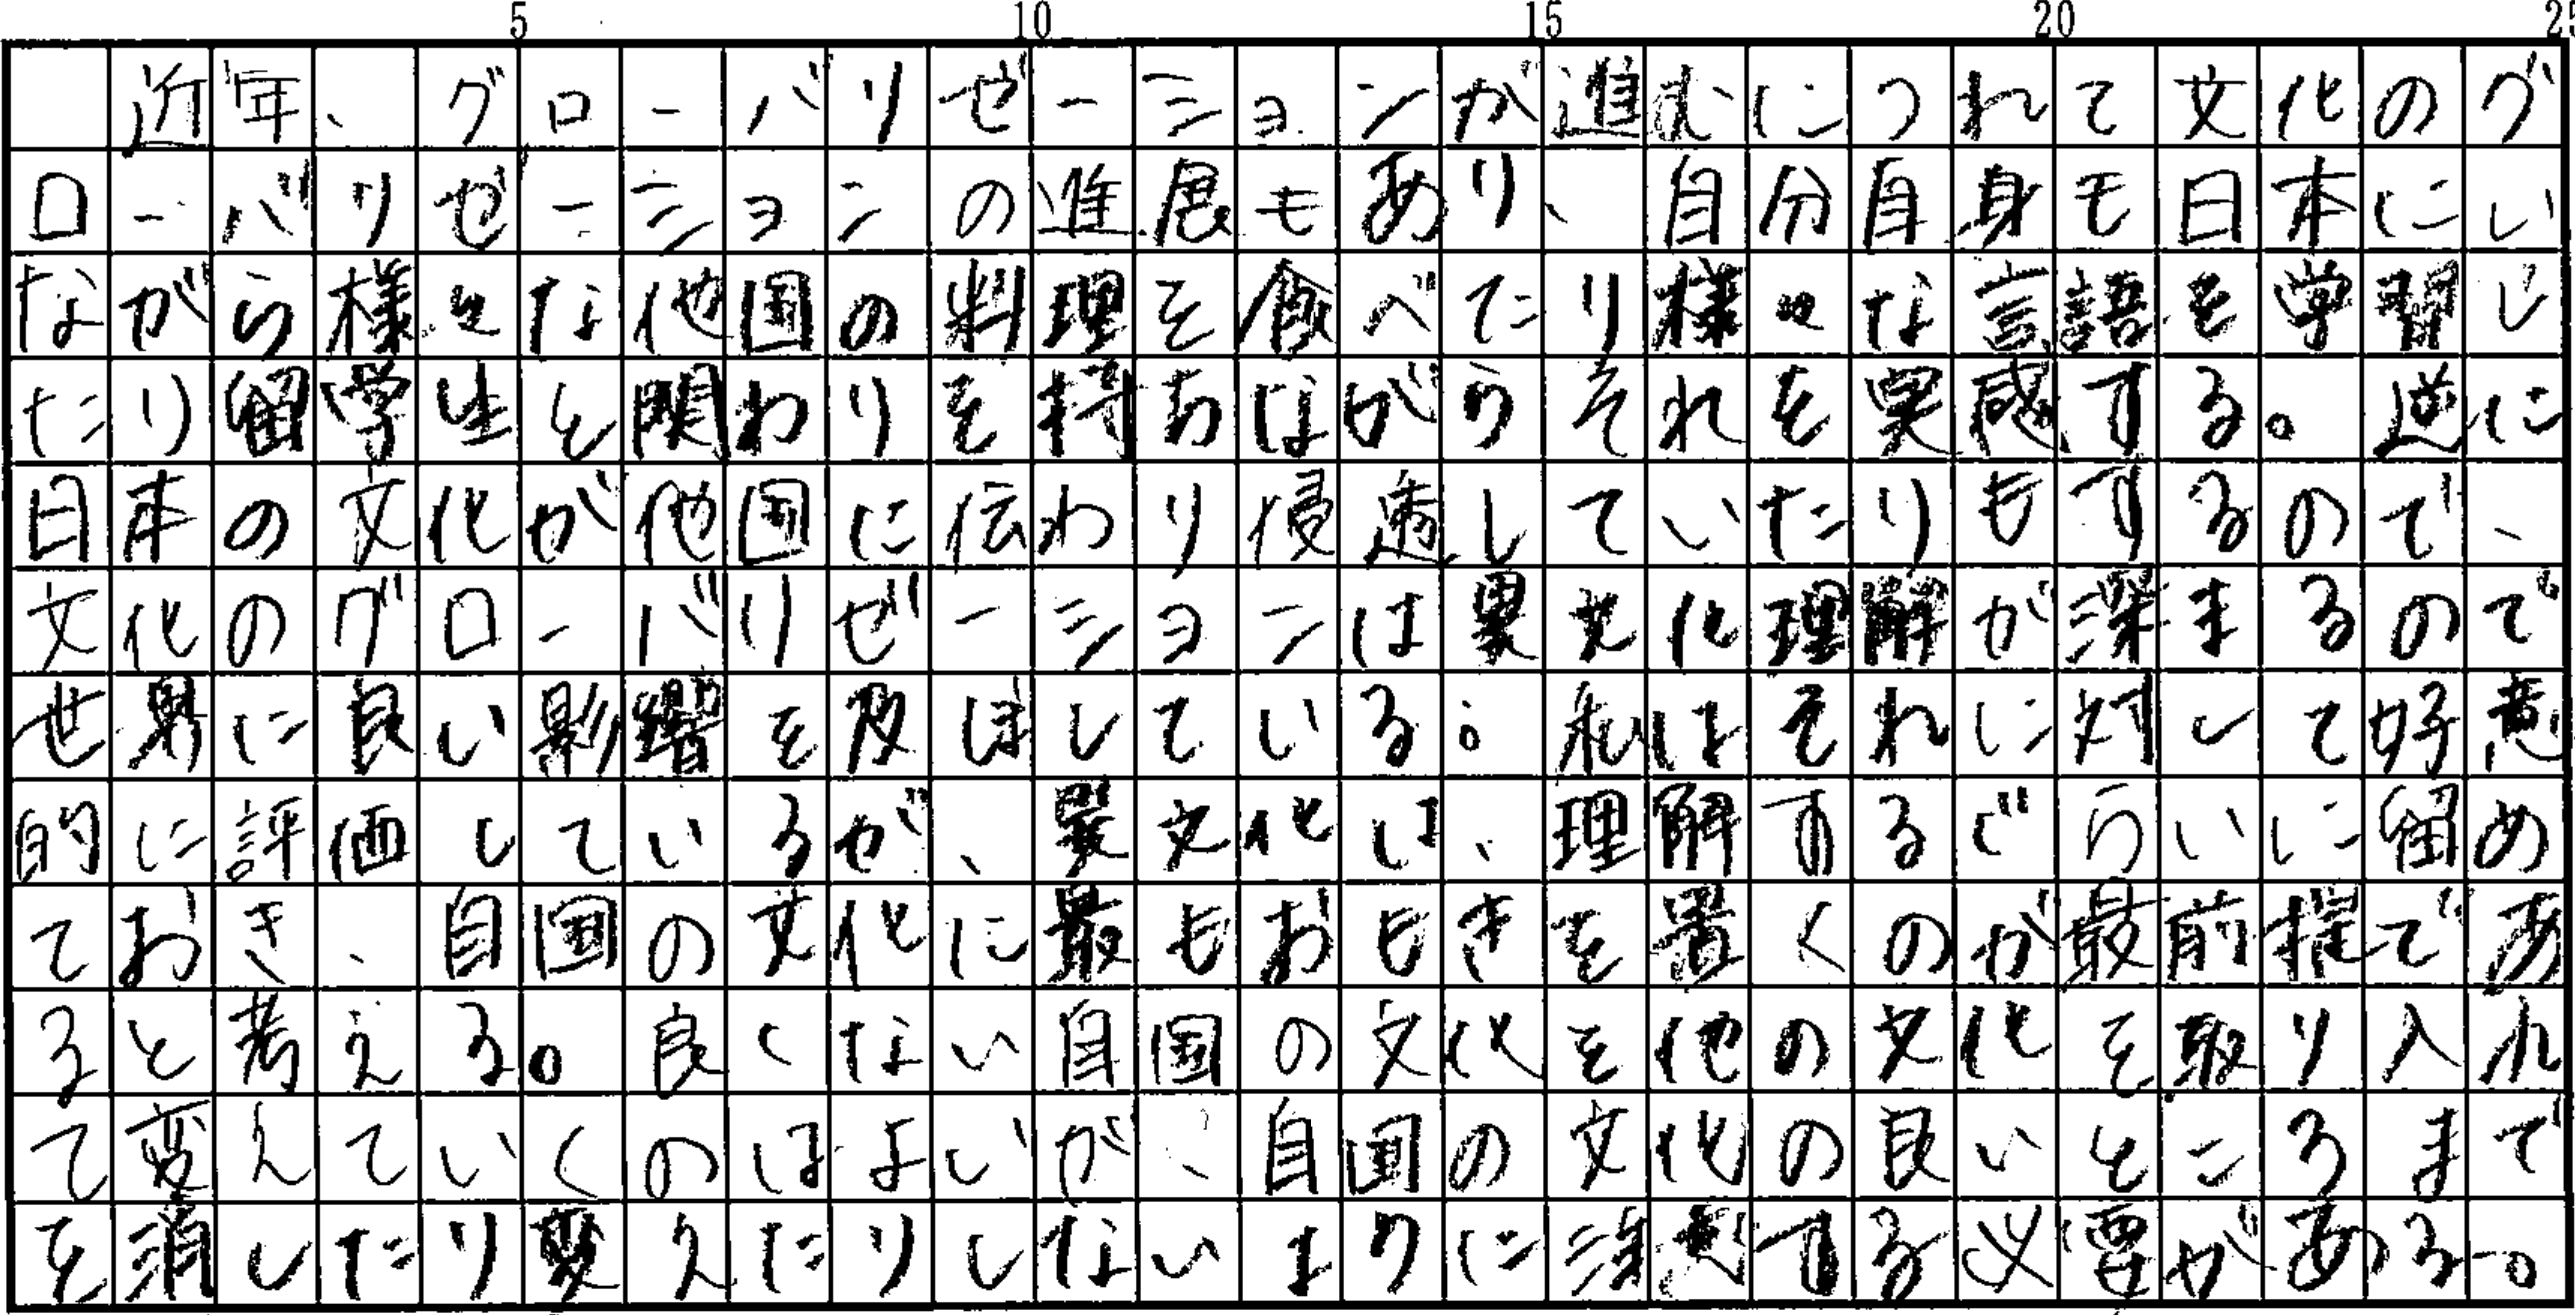　近年、グローバリゼーションが進むにつれて文化のグローバリゼーションの進展もあり、自分自身も日本にいながら様々な他国の料理を食べたり様々な言語を学習したり留学生と関わりを持ちながらそれを実感する。逆に日本の文化が他国に伝わり侵透していたりもするので、文化のグローバリゼーションは異文化理解が深まるので世界に良い影響を及ぼしている。私はそれに対して好意的に評価しているが、異文化は、理解するぐらいに留めておき、自国の文化に最もおもきを置くのが最前提であると考える。良くない自国の文化を他の文化を取り入れて変えていくのはよいが、自国の文化の良いところまでを消したり変えたりしないように注意する必要がある。
